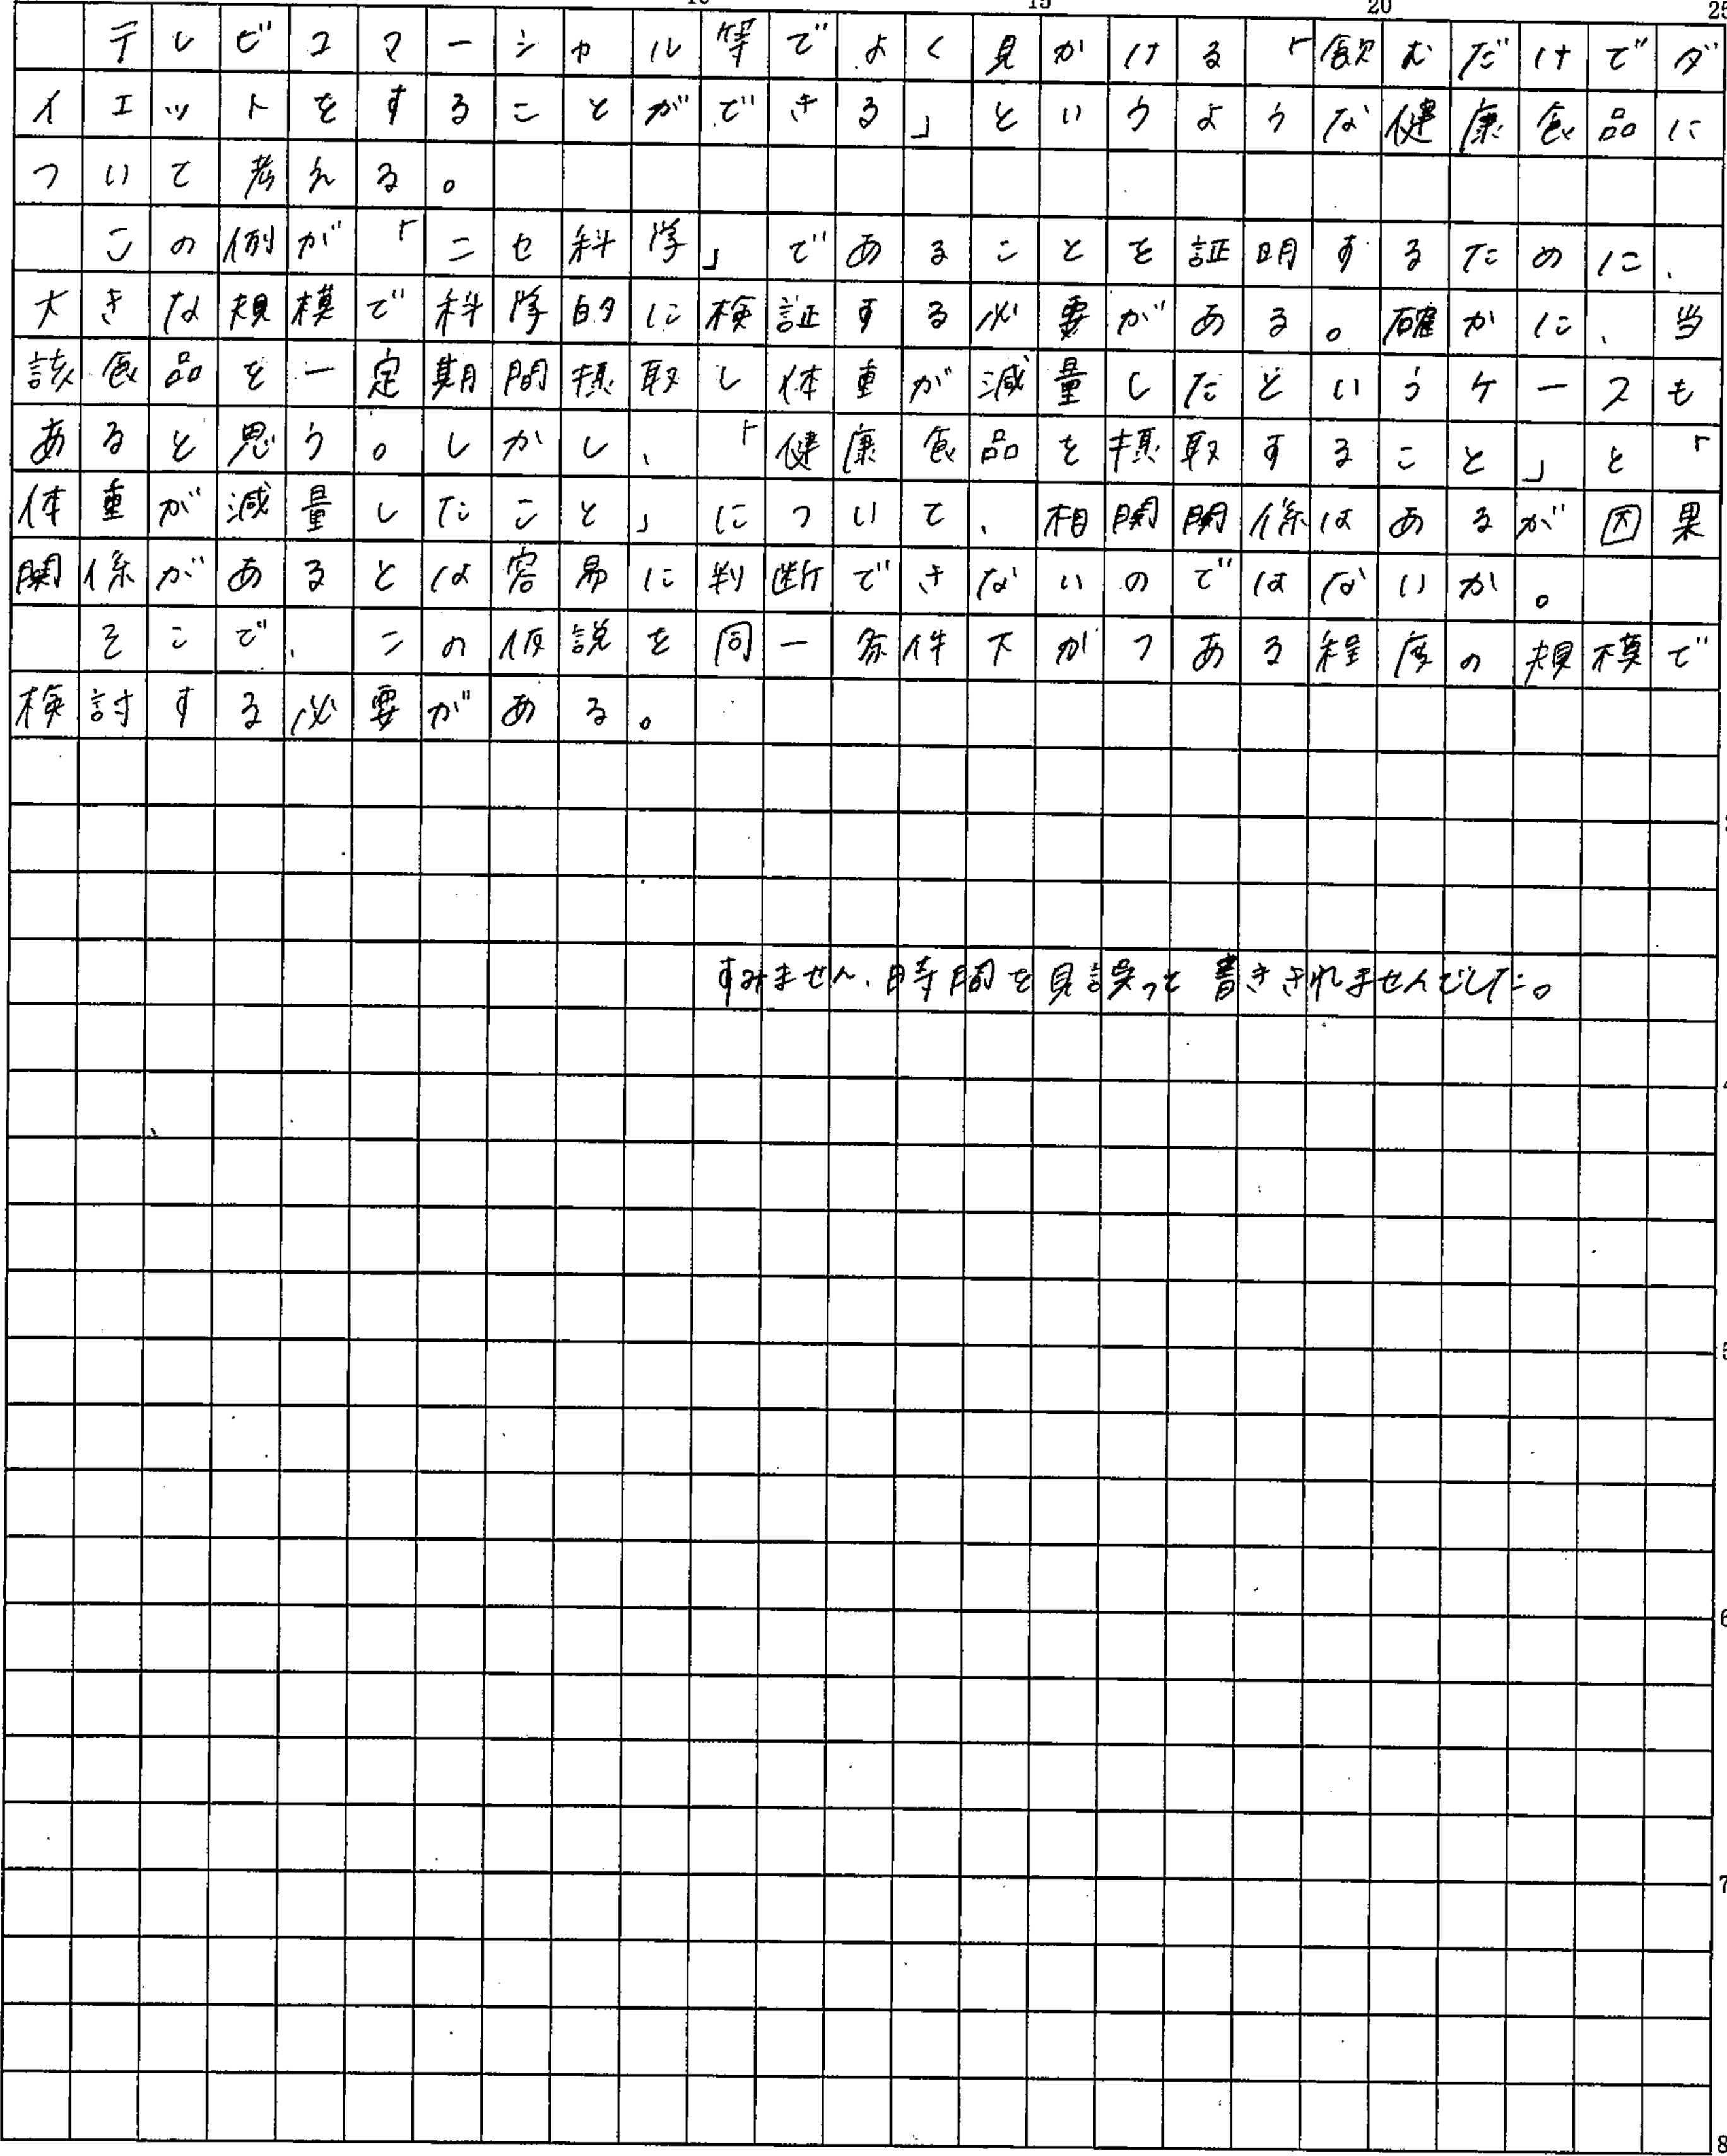　テレビコマーシャル等でよく見かける「飲むだけでダイエットをすることができる」というような健康食品について考える。
　この例が「ニセ科学」であることを証明するために、大きな規模で科学的に検証する必要がある。確かに、当該食品を一定期間摂取し体重が減量したというケースもあると思う。しかし、「健康食品を摂取すること」と「体重が減量したこと」について、相関関係はあるが因果関係があるとは容易に判断できないのではないか。
　そこで、この仮説を同一条件下かつある程度の規模で検討する必要がある。
